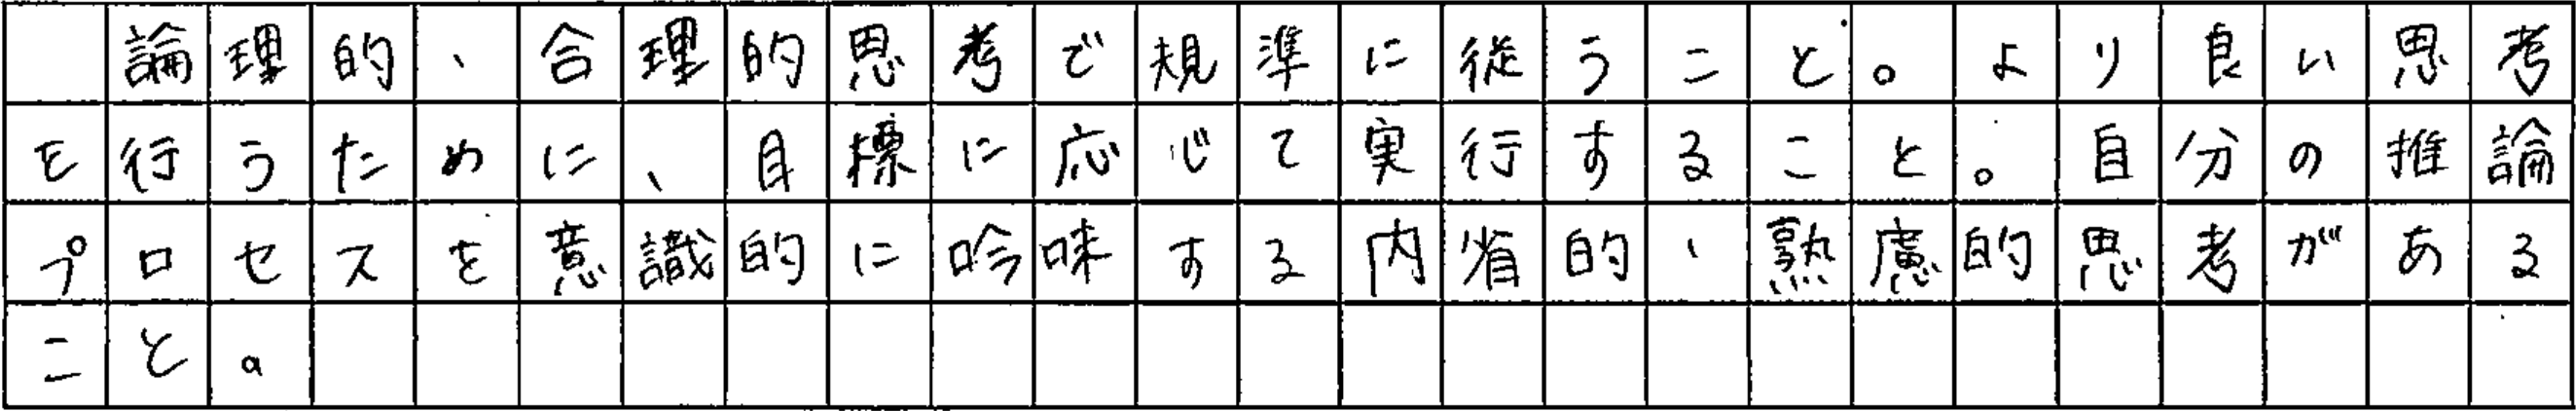　論理的・合理的思考で規準に従うこと。より良い思考を行うために、目標に応じて実行すること。自分の推論プロセスを意識的に吟味する内省的・熟慮的思考があること。
